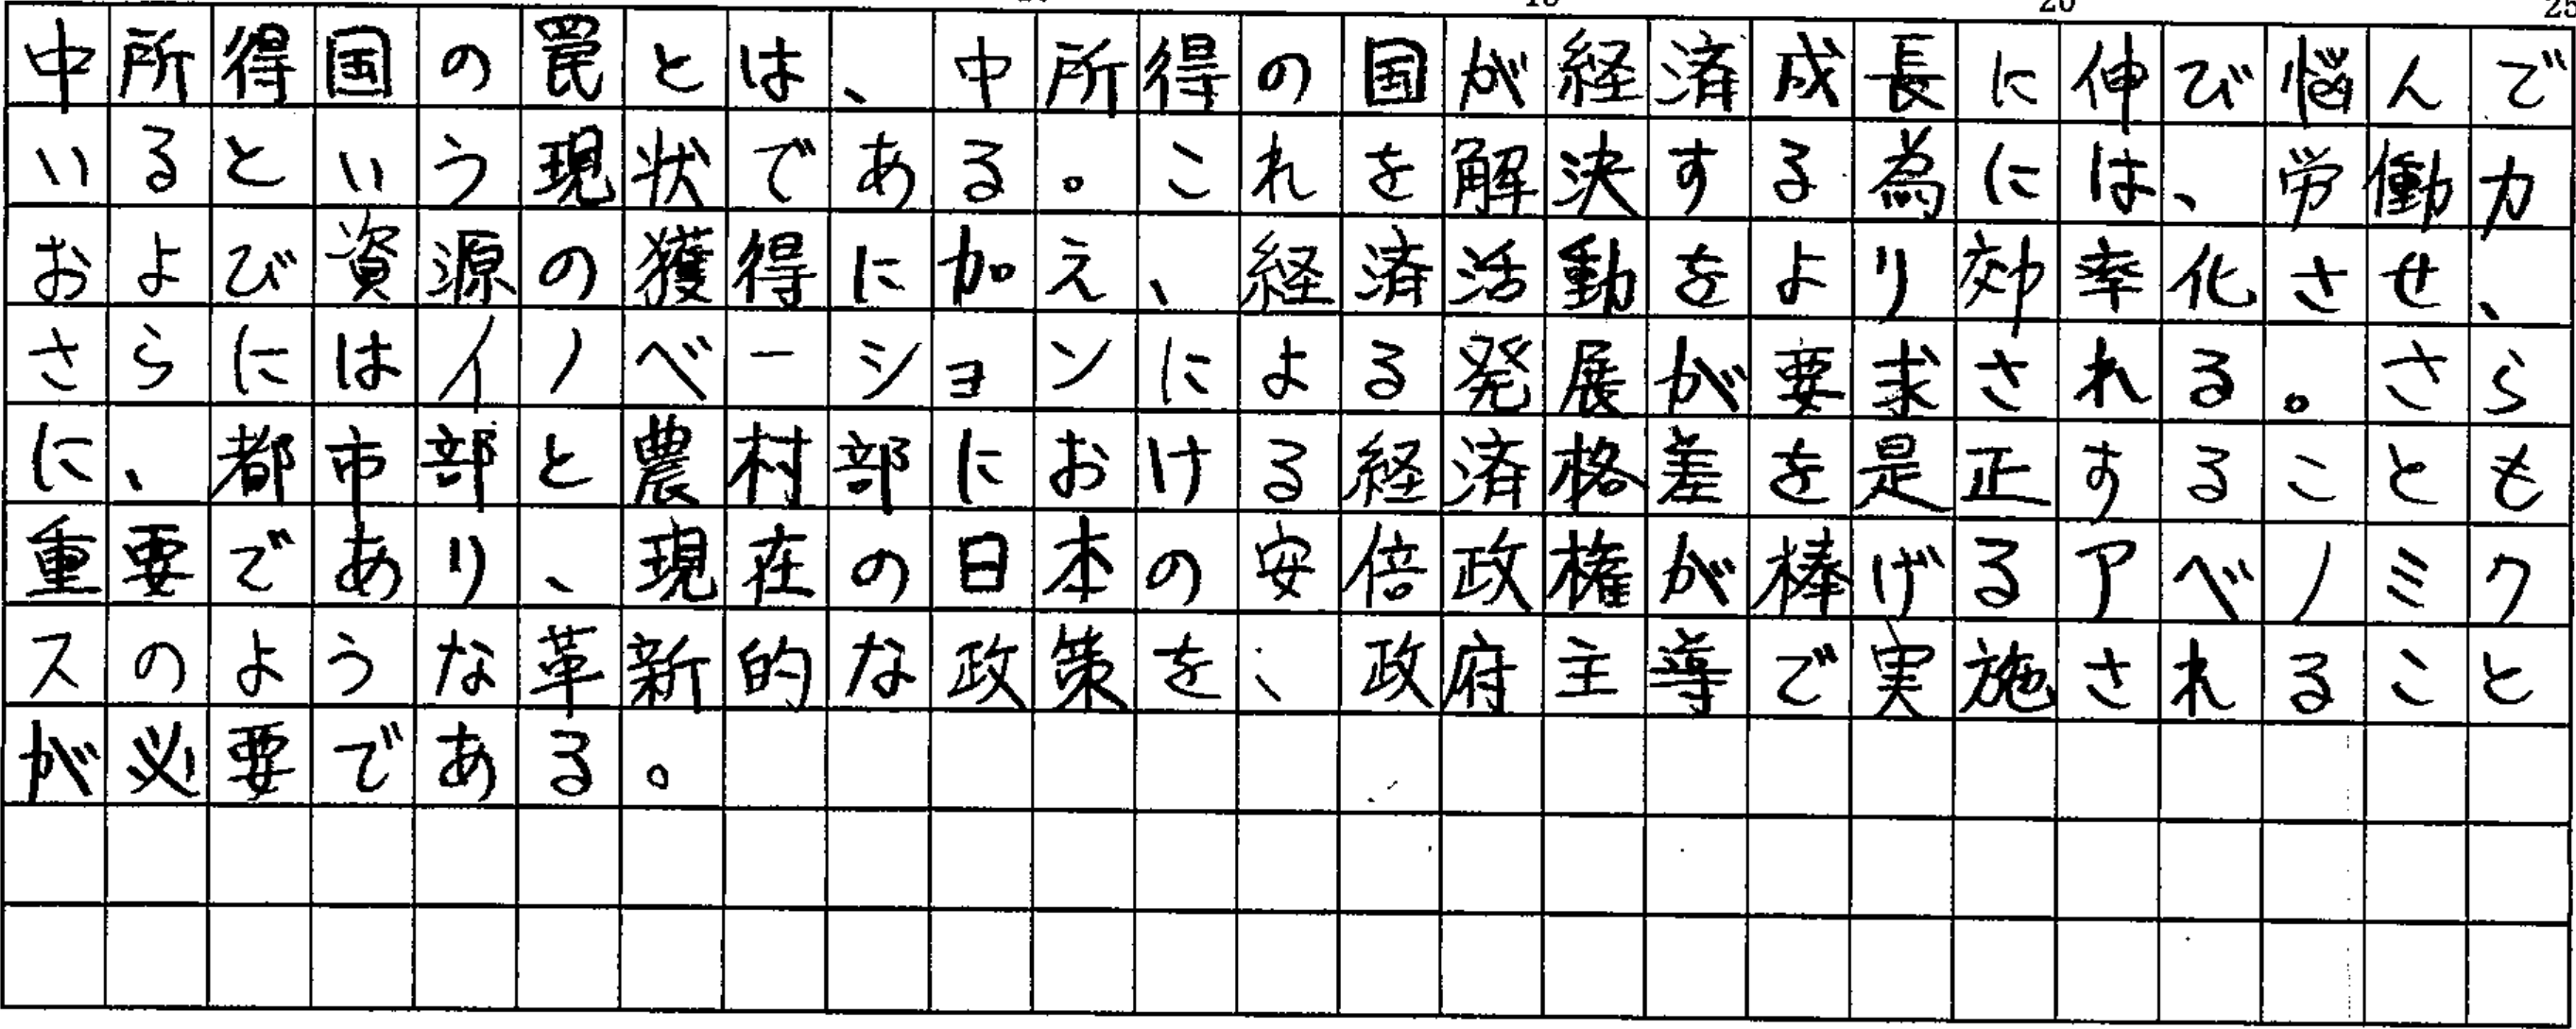中所得国の罠とは、中所得の国が経済成長に伸び悩んでいるという現状である。これを解決する為には、労働力および資源の獲得に加え、経済活動をより効率化させ、さらにはイノベーションによる発展が要求される。さらに、都市部と農村部における経済格差を是正することも重要であり、現在の日本の安倍政権が棒げるアベノミクスのような革新的な政策を、政府主導で実施されることが必要である。
